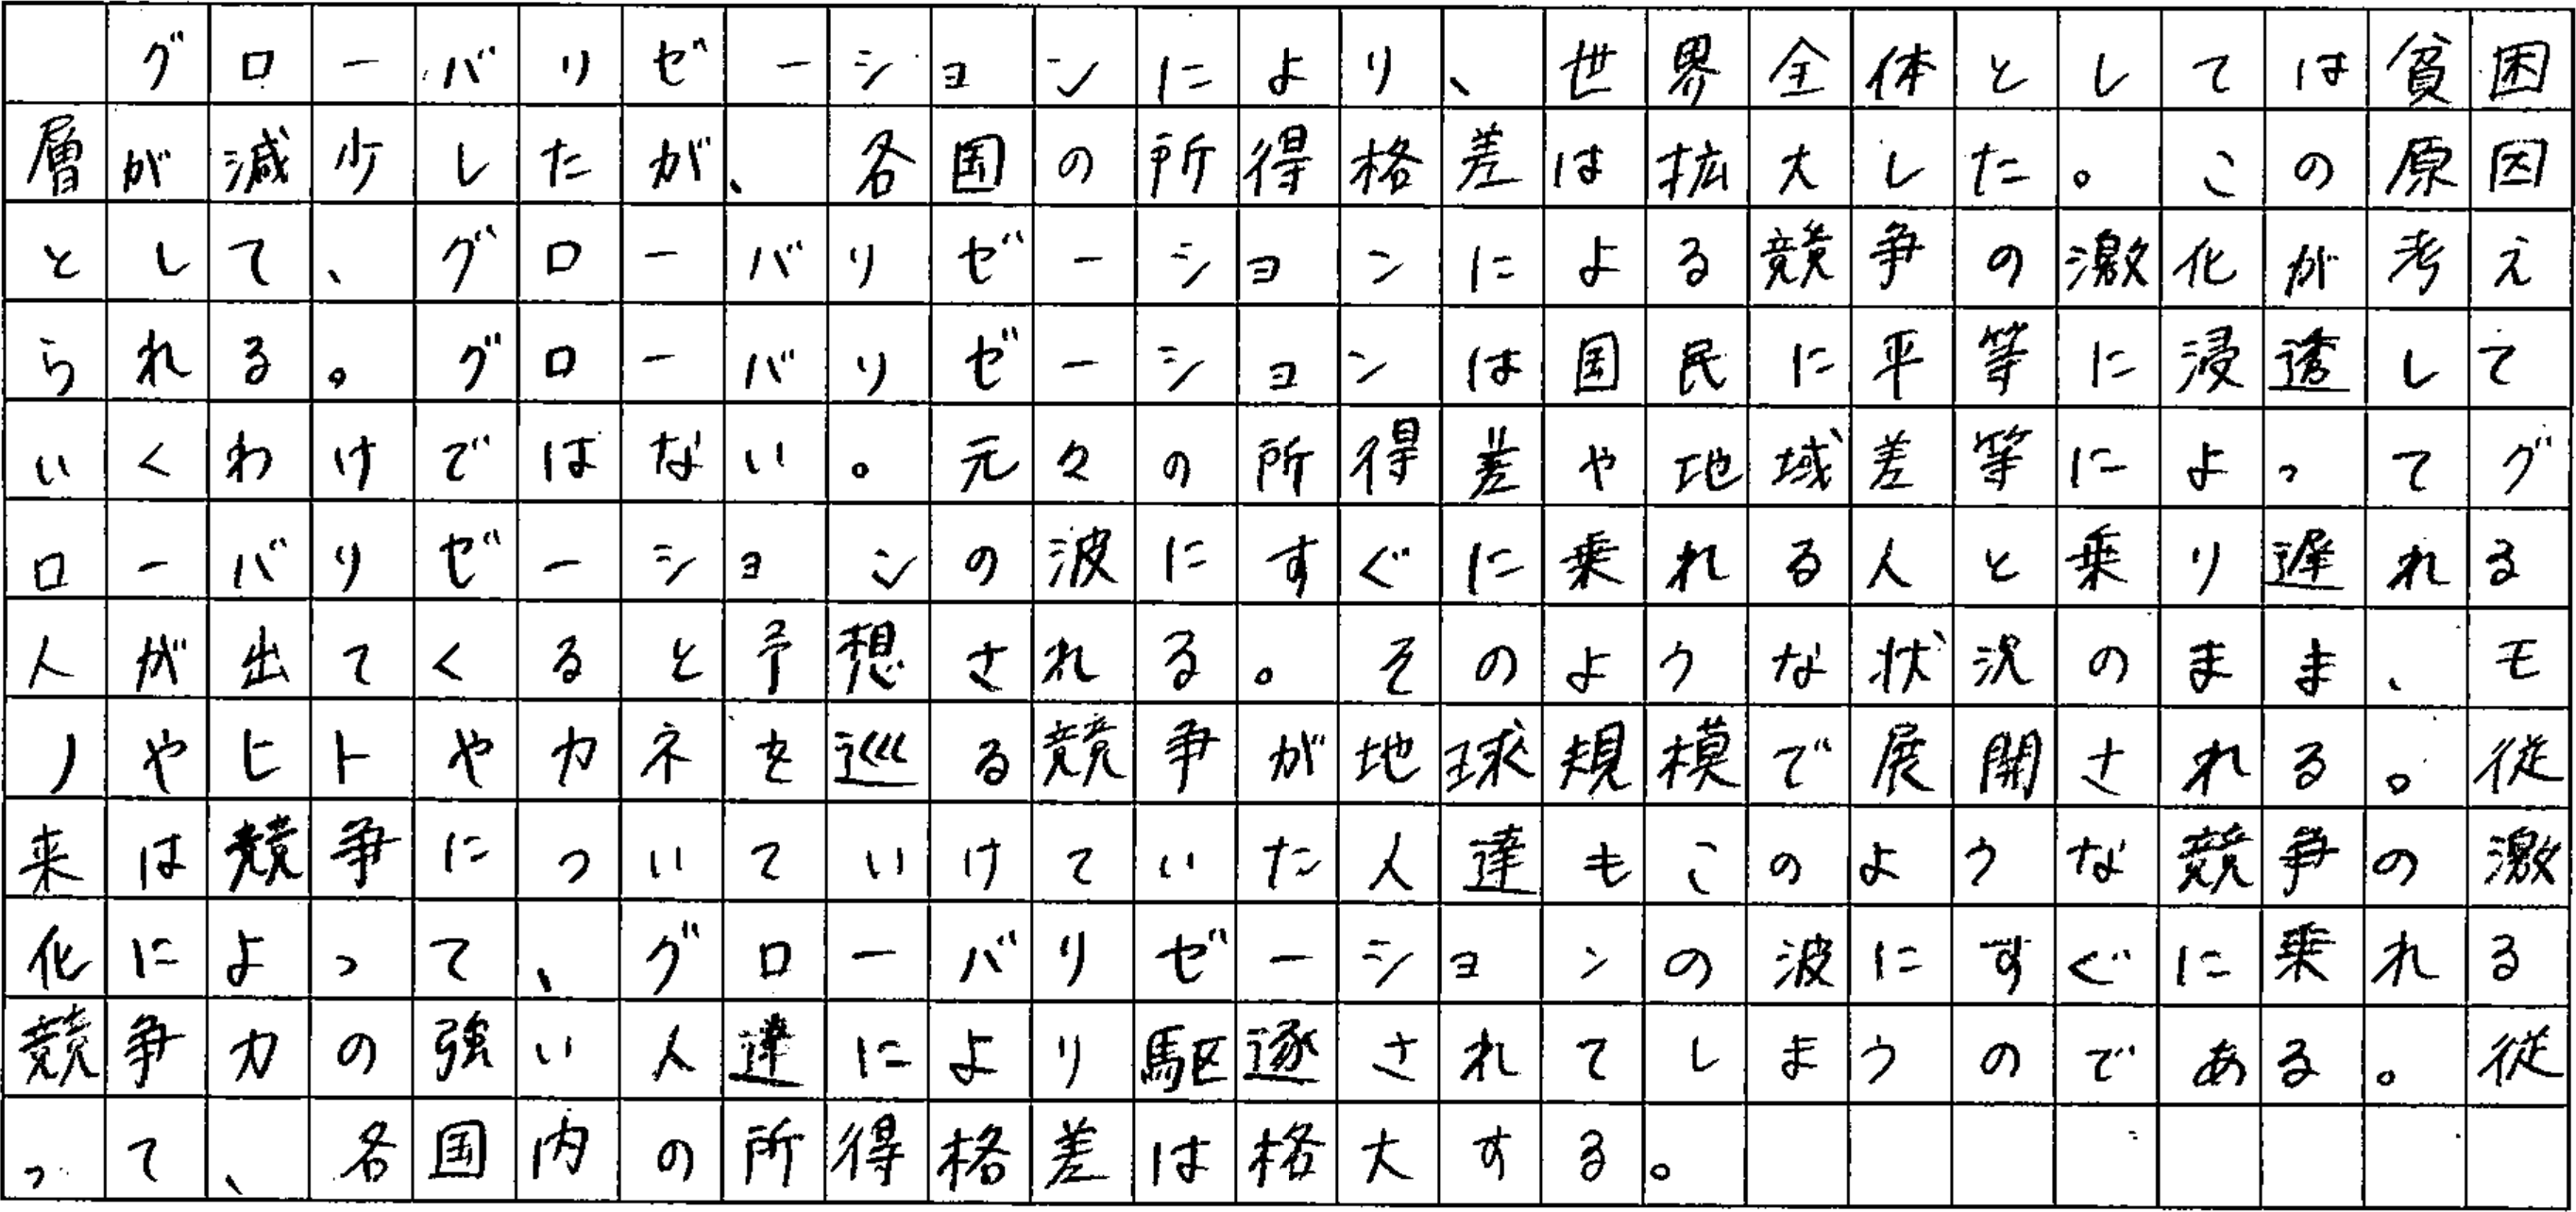　グローバリゼーションにより、世界全体としては貧困層が減少したが、各国の所得格差は拡大した。この原因として、グローバリゼーションによる競争の激化が考えられる。グローバリゼーションは国民に平等に浸透していくわけではない。元々の所得差や地域差等によってグローバリゼーションの波にすぐに乗れる人と乗り遅れる人が出てくると予想される。そのような状況のまま、モノやヒトやカネを巡る競争が地球規模で展開される。従来は競争についていけていた人達もこのような競争の激化によって、グローバリゼーションの波にすぐに乗れる競争力の強い人達により駆逐されてしまうのである。従って、各国内の所得格差は格大する。
